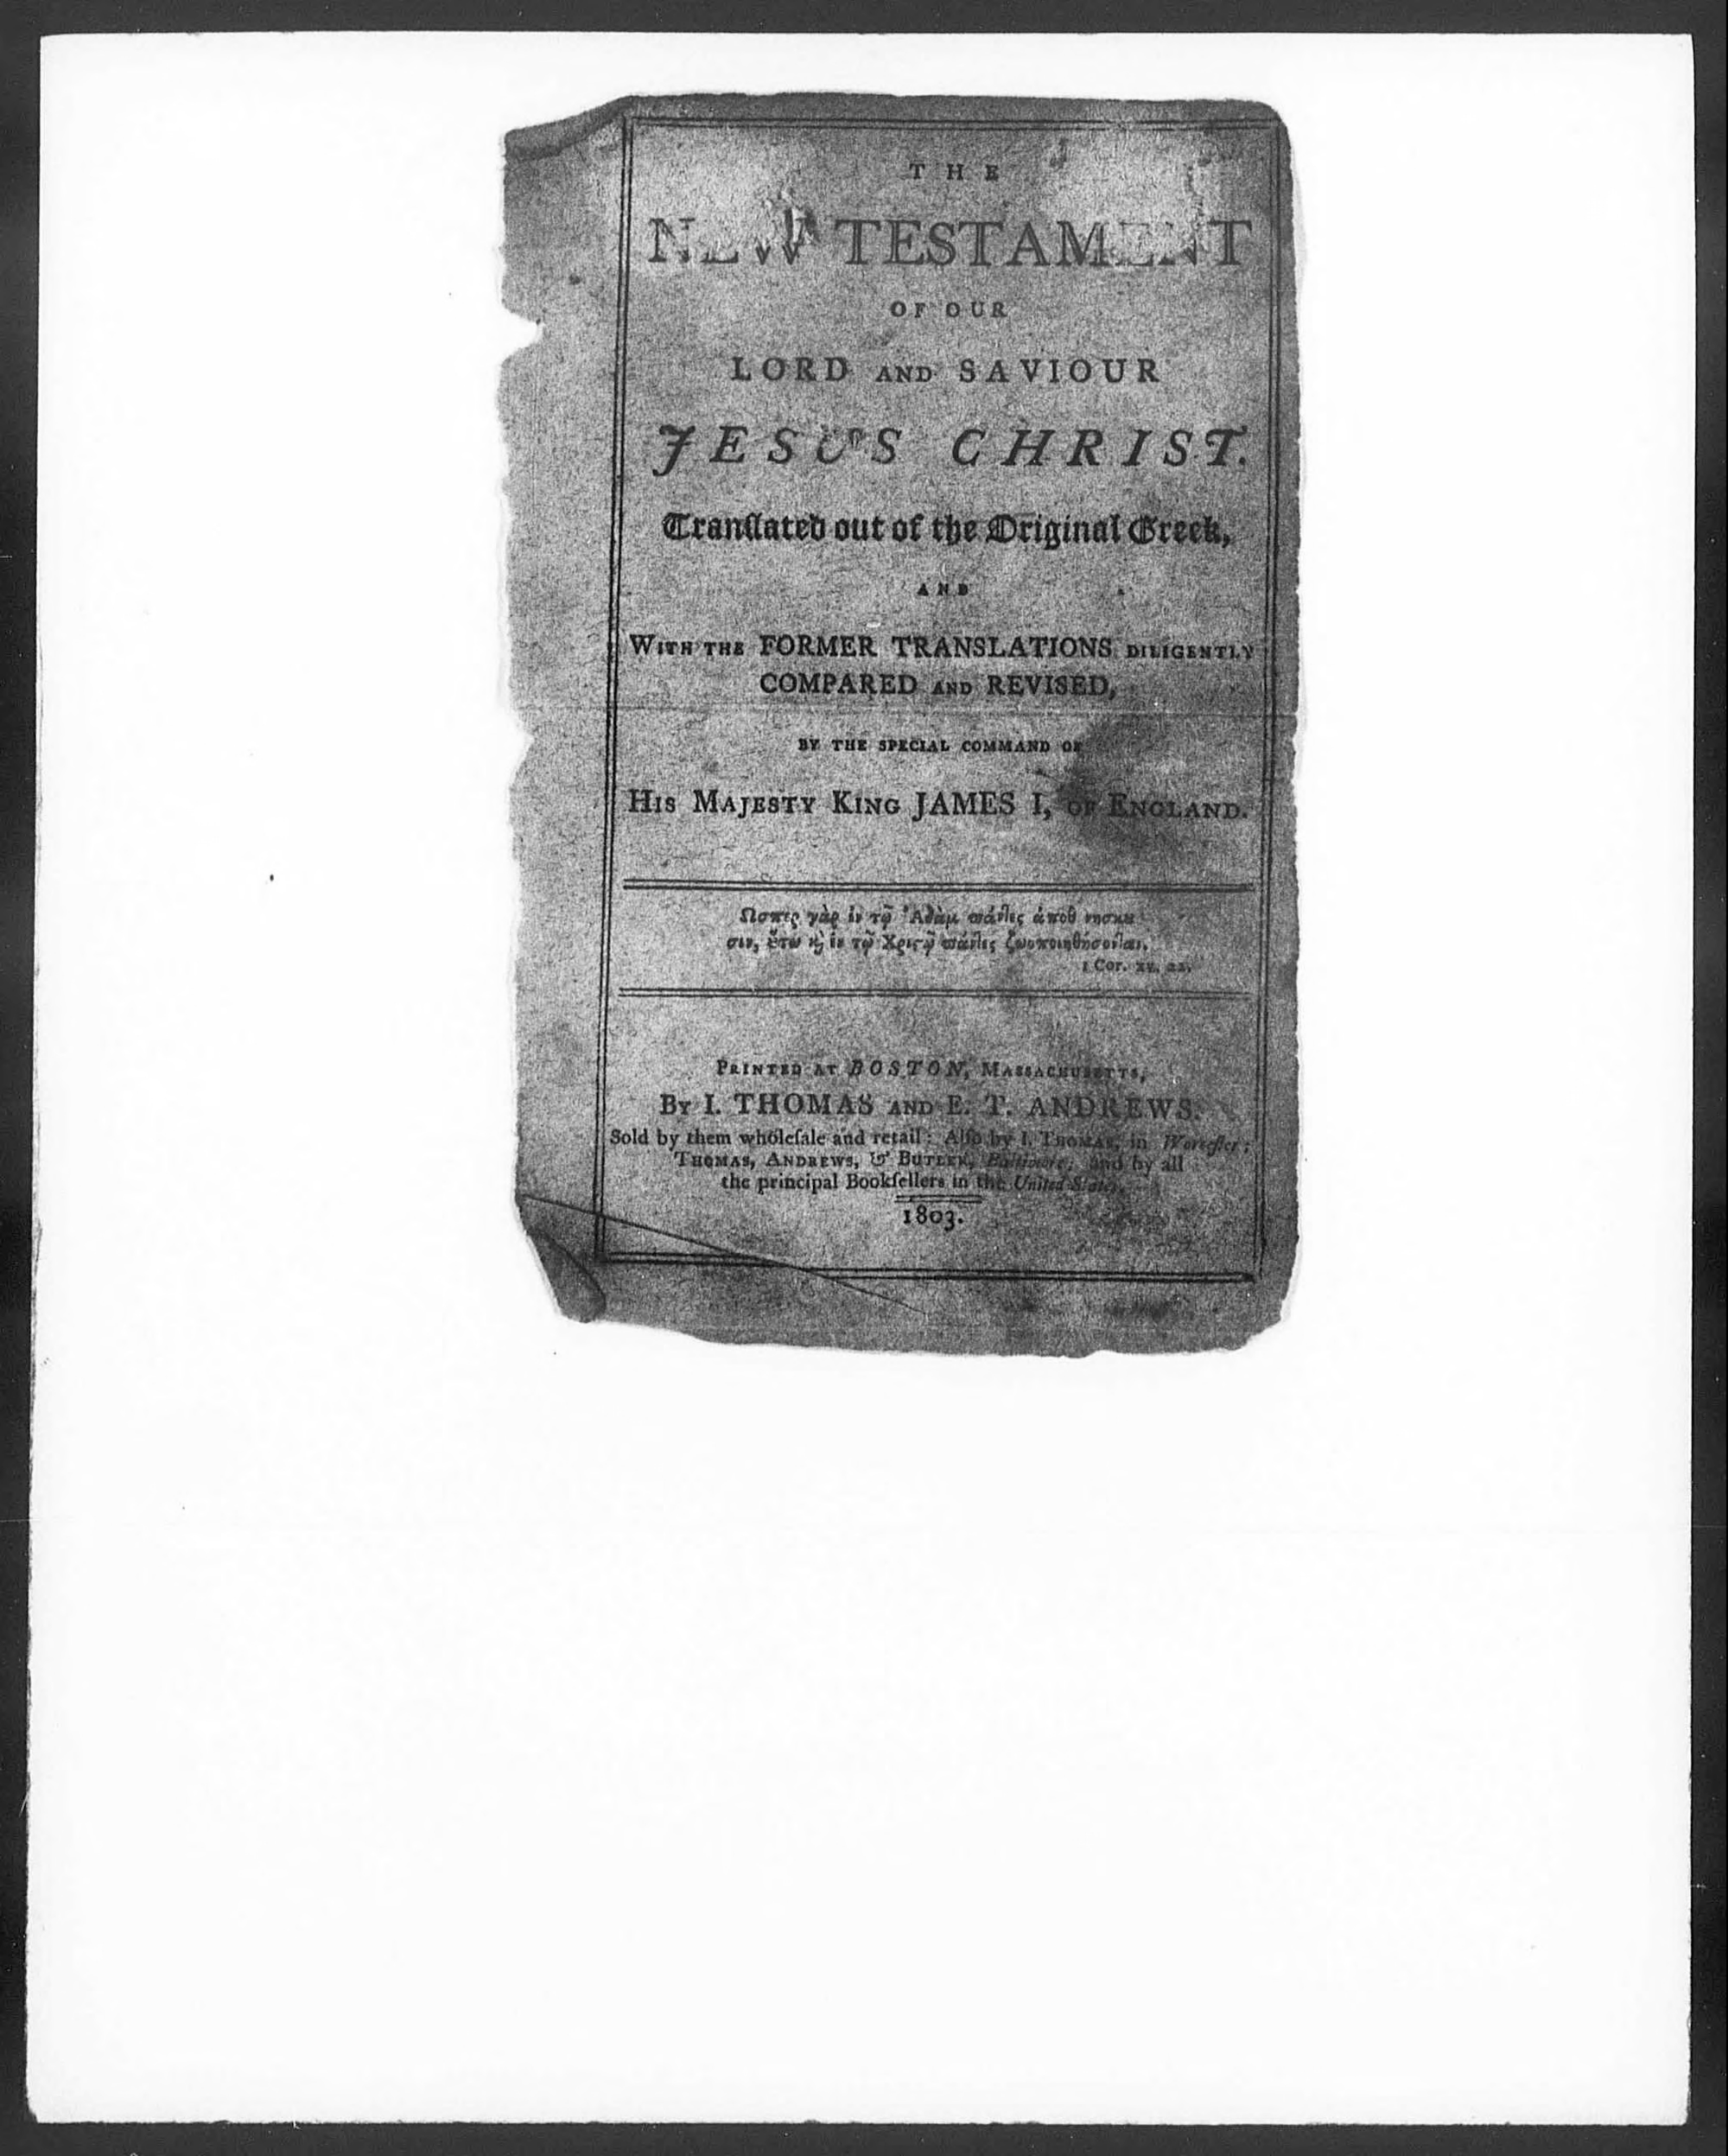THE
NEW TESTAMENT
OF OUR 
LORD AND SAVIOUR
JESUS CHRIST.

Translated out of the Original Greek,
AND
WITH THE FORMER TRANSLATIONS DILIGENTLY
COMPARED AND REVISED,

BY THE SPECIAL COMMAND OF
HIS MAJESTY KING JAMES I, OF ENGLAND.
____________________________
[GREEK].

 1 Cor. XV, 22.
____________________________

PRINTED AT BOSTON, MASSACHUSETTS,
BY I. THOMAS AND E. T. ANDREWS.
Sold by them wholesale and retail: Also by I. THOMAS, in Worcester; 
THOMAS, ANDREWS, & BUTLEM [?], Baltimore; and by all
the principal Booksellers in the United States.
________________
1803.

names: Jesus Christ, E T Andrews, James King, Thomas Andrews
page: 12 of 45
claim: widow's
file: W. 4988, Durlin Hickok, Mass.